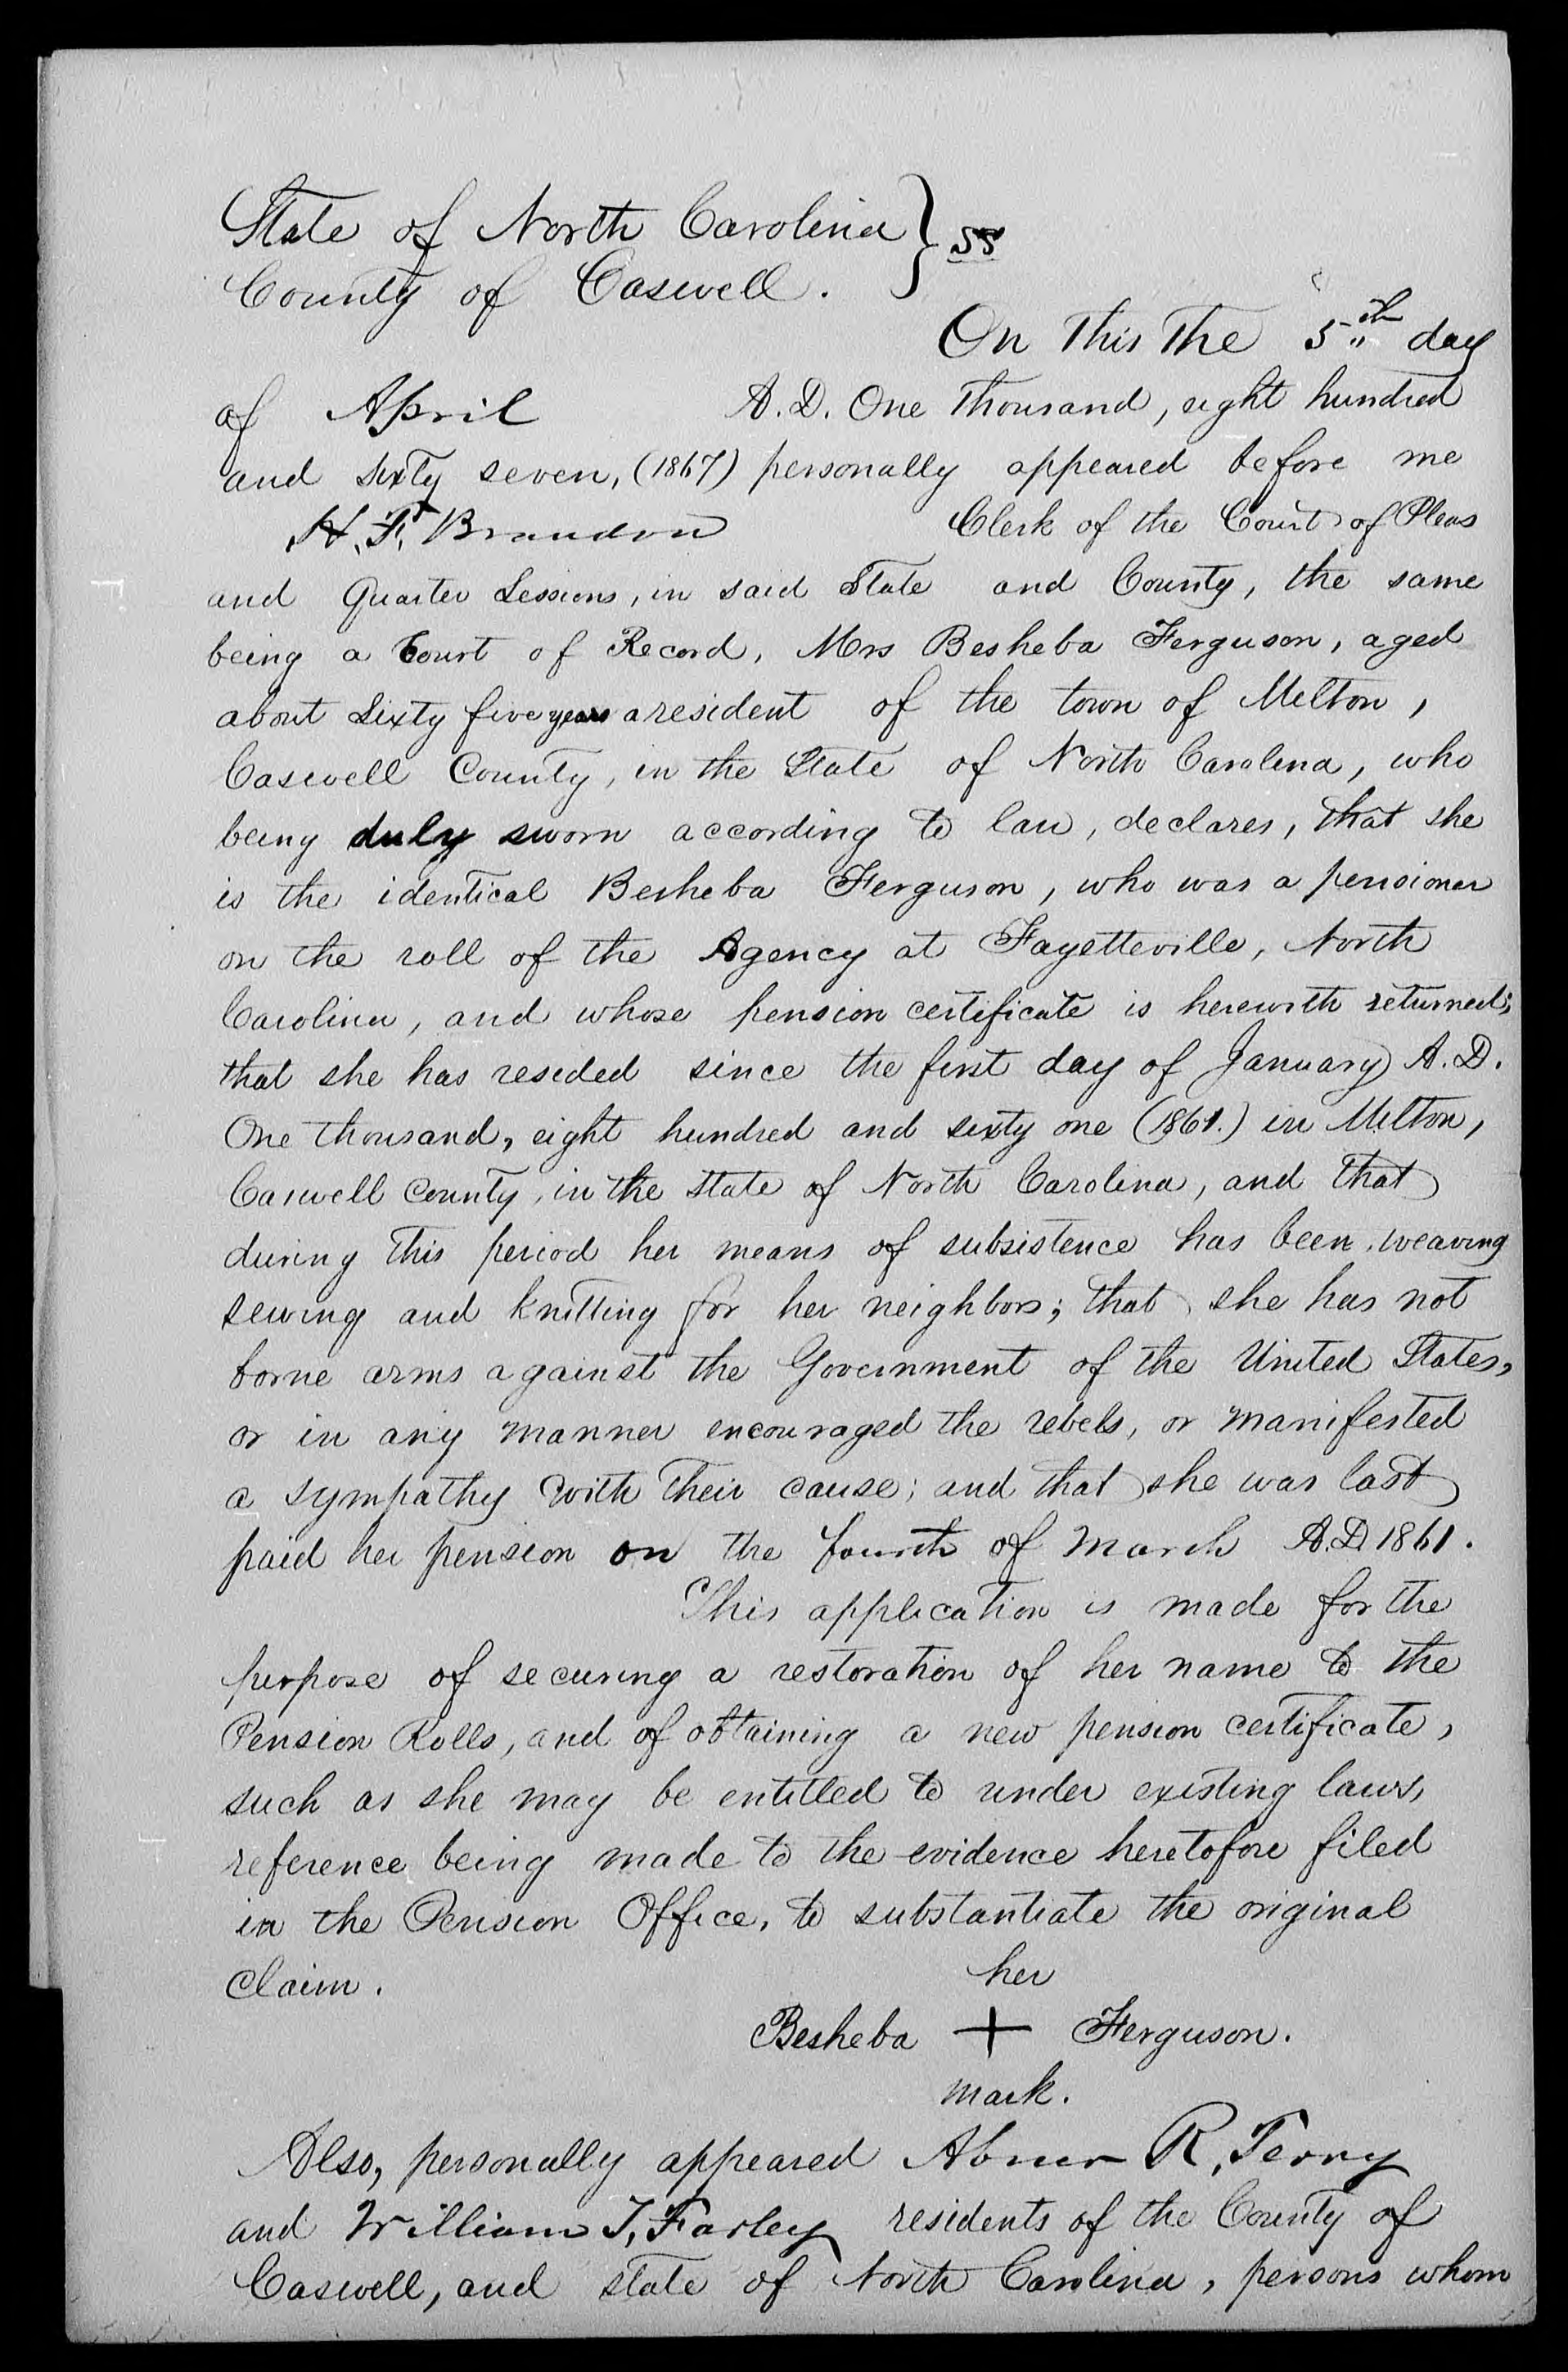State of North Carolina ⎬SS
County of Caswell
On this the 5th day of April A.D. One thousand, eight hundred, sixty seven, (1867) personally appeared before me H.F. Brandon Clerk of the Court of Pleas and Quarter Sessions, in said State and County, the same being a Court of Record, Mrs Besheba Ferguson, aged about sixty five years a resident of the town of Milton, Caswell County, in the State of North Carolina, who being duly sworn according to law, declares, that she is the identical Besheba Ferguson, who was a pension on the roll of the Agency at Fayetteville, North Carolina, and whose pension certificate is herewith returned; that she resided since the first day of January A.D. One thousand, eight hundred and sixty one (1861) in Milton, Caswell County, in the State of North Carolina, and that during this period her means of subsistence has been weaving sewing and knitting for her neighbors; that she has not borne arms against the government of the United States, or in any manner encouraged the rebels, or manifested a sympathy with their cause; and that she was paid her pension on the fourth of march A.D. 1861.
This application is made for the purpose of securing a restoration of her name to the Pension Rolls, and of obtaining a new pension certificate, such as she may be entitled to under existing law, reference being made to the evidence heretofore filed in the Pension Office, substantiate the original claim. her Besheba + Ferguson. mark. Also, personally appeared Abneer R. Terry and Williams J. Farley residents of the County of Caswell, and state of North Carolina, persons whom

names: William T Farley, Besheba Ferguson, H F Brandon, Abner R Terry, Besheba Ferguson, Besheba Ferguson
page: 49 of 81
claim: widow's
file: W. 7262, Robert Ferguson, Va.